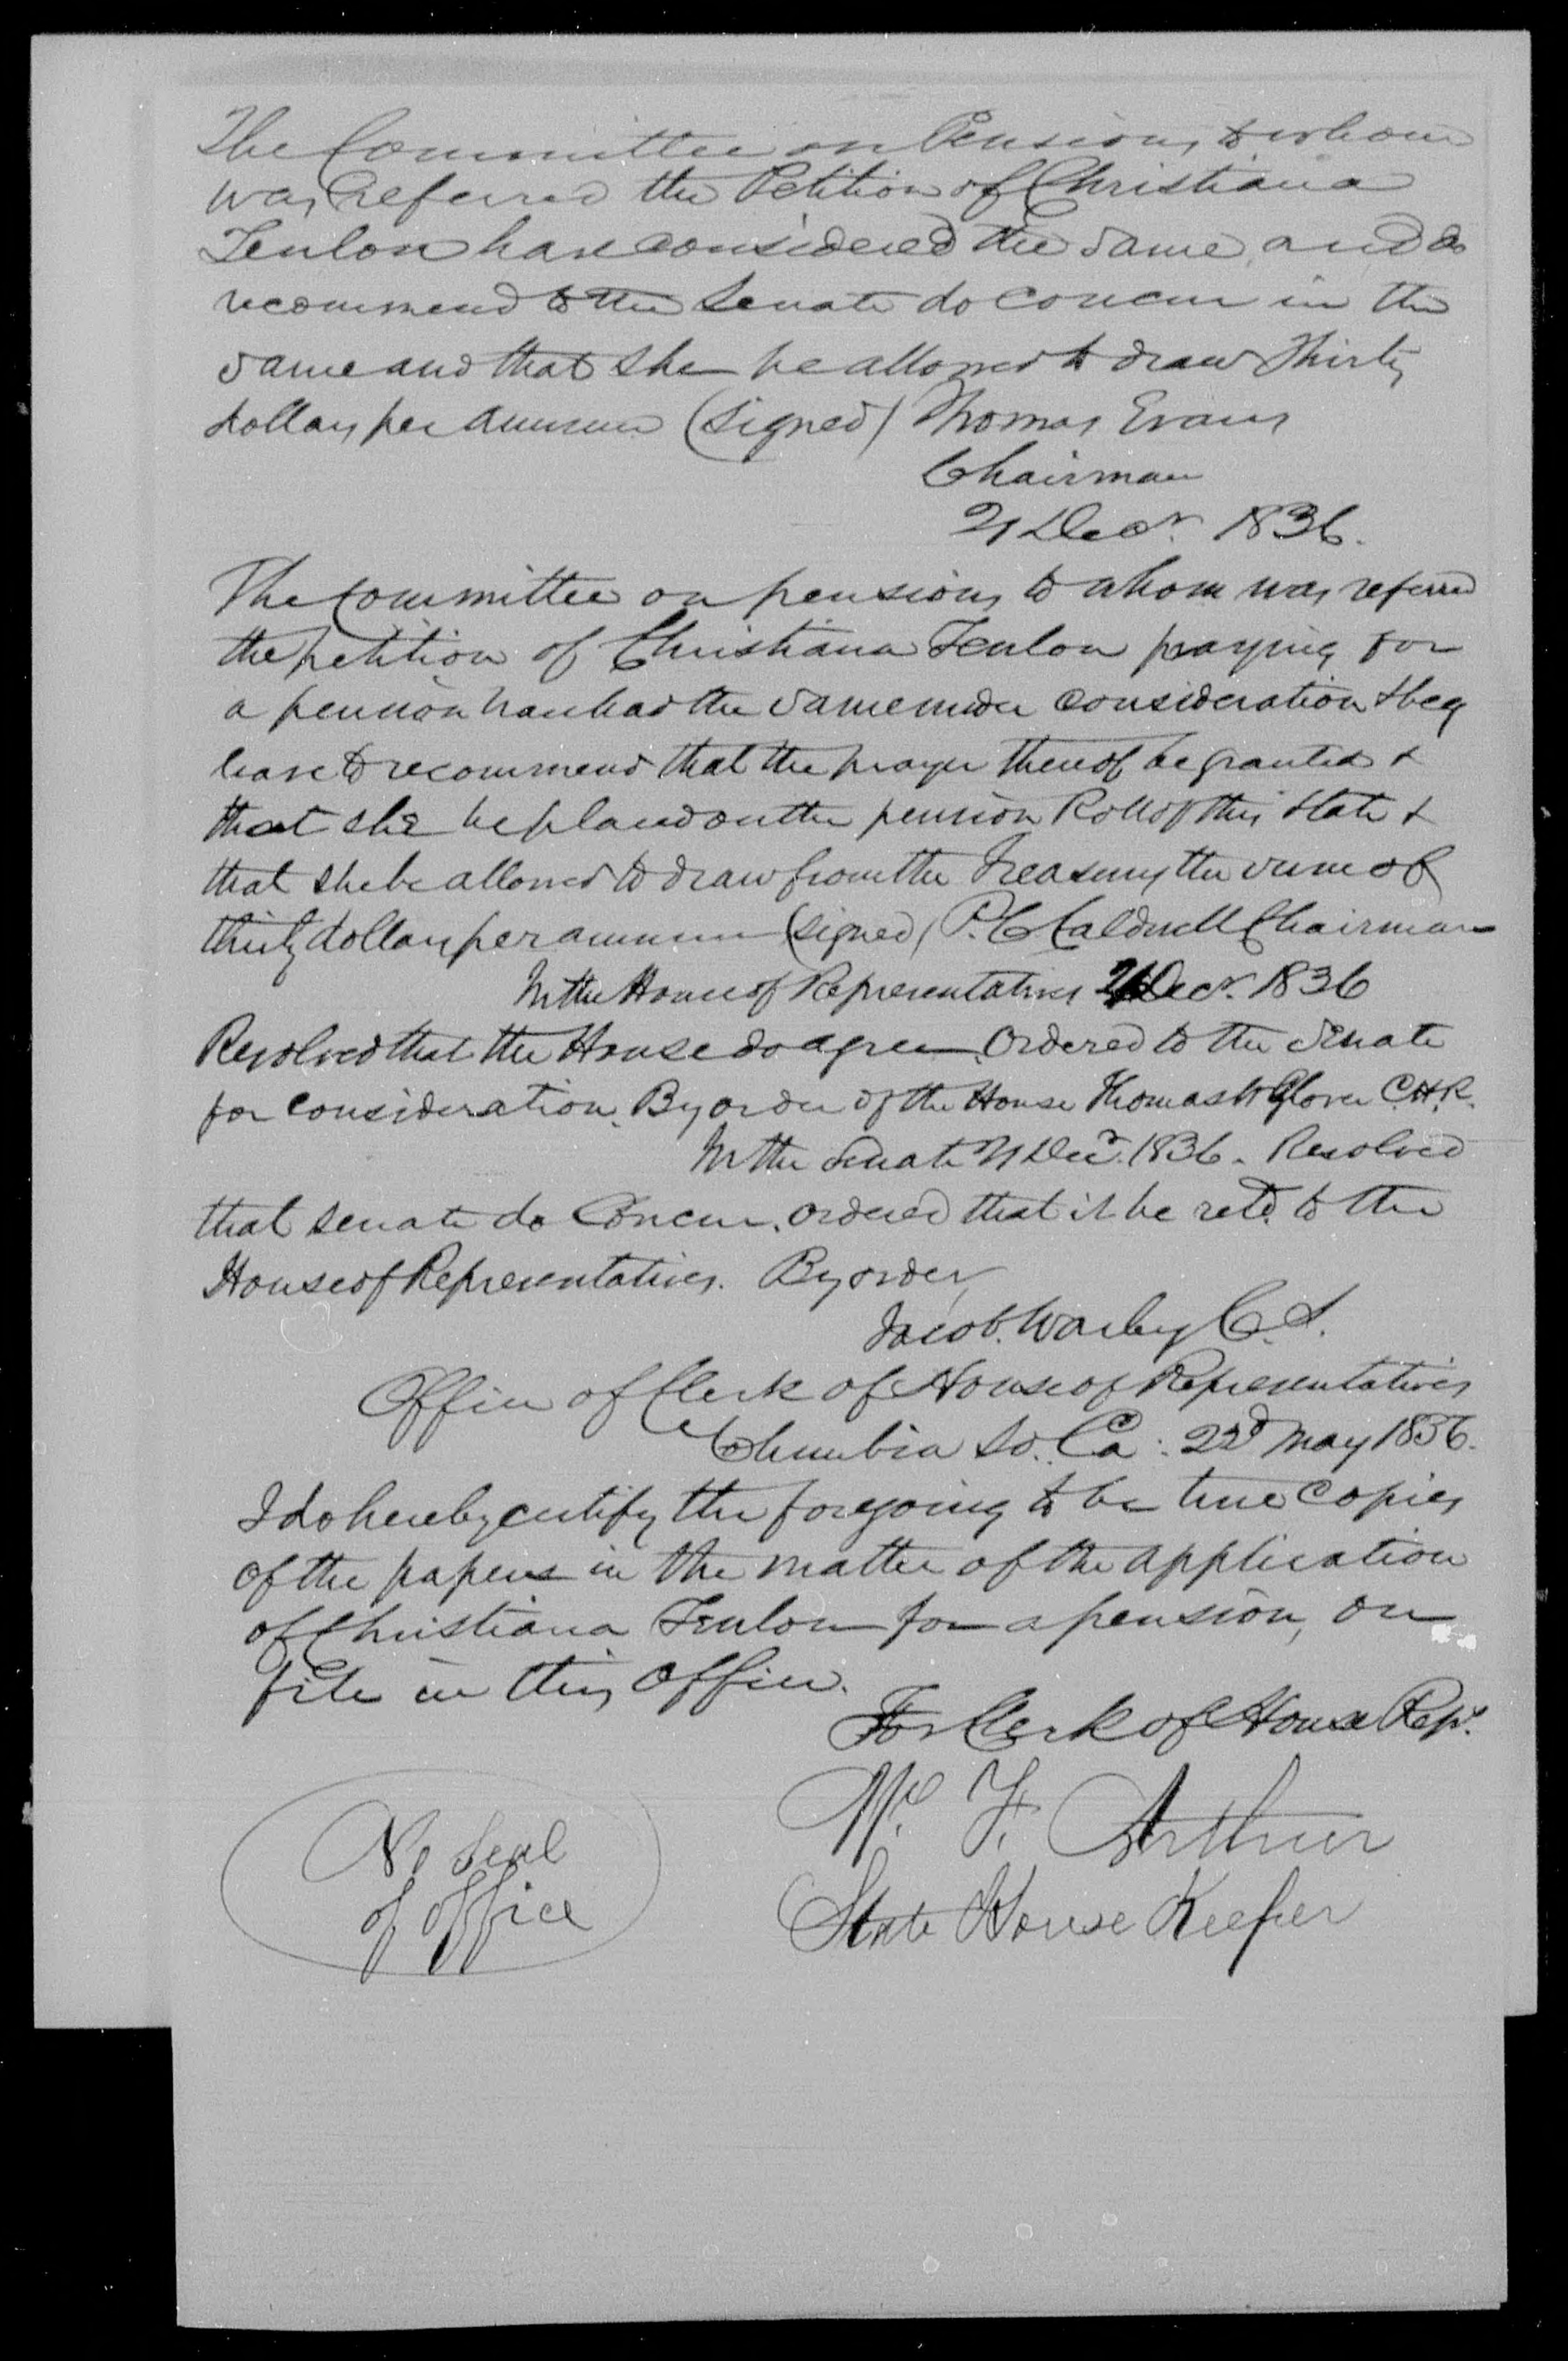The Committee on Pensions to widows was referred the Petition of Christiana Teulon have considered the same and do recommend to the Senate do concur in this same and that she be allowed to draw thirty dollars per annum (Signed / Thomas Evans
Chairman
21 Dec. 1836
The committee on pensions to whom was referred the petition of Christiana Teulon paying for a pension (illegible) the same consideration they leave & recommend that the payer thereof be granted & that she be placed on the pension Roll of this state & that she be allowed to draw from the Treasury the sum of thirty dollars per annum (signed / P. Caldwell Chairman in the House of Representatives 21 Dec. 1836
Resolved that the House do ( illegible) ordered to the Senate for consideration By order of the House Thomas Glover C.H.R. In the Senate 21 Dec. 1836. Resolved that Senate do Concur. ordered that it be retd. to the House of Representatives. By order Jacob Warley C. S. Office of Clerk of House of Representatives 
Columbia So Ca. 22 May 1836.
I do hereby certify the foregoing to be true copies of the papers in the matter of the application of Christiana Teulon for a pension on file in this office. For Clerk of House Reps. Mr. Y. Arthur
State House Keeper
(Illegible Seal of office  (circled in left-hand corner)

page: 5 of 19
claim: rejected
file: R. 10474, for Charles Teulon, South Carolina